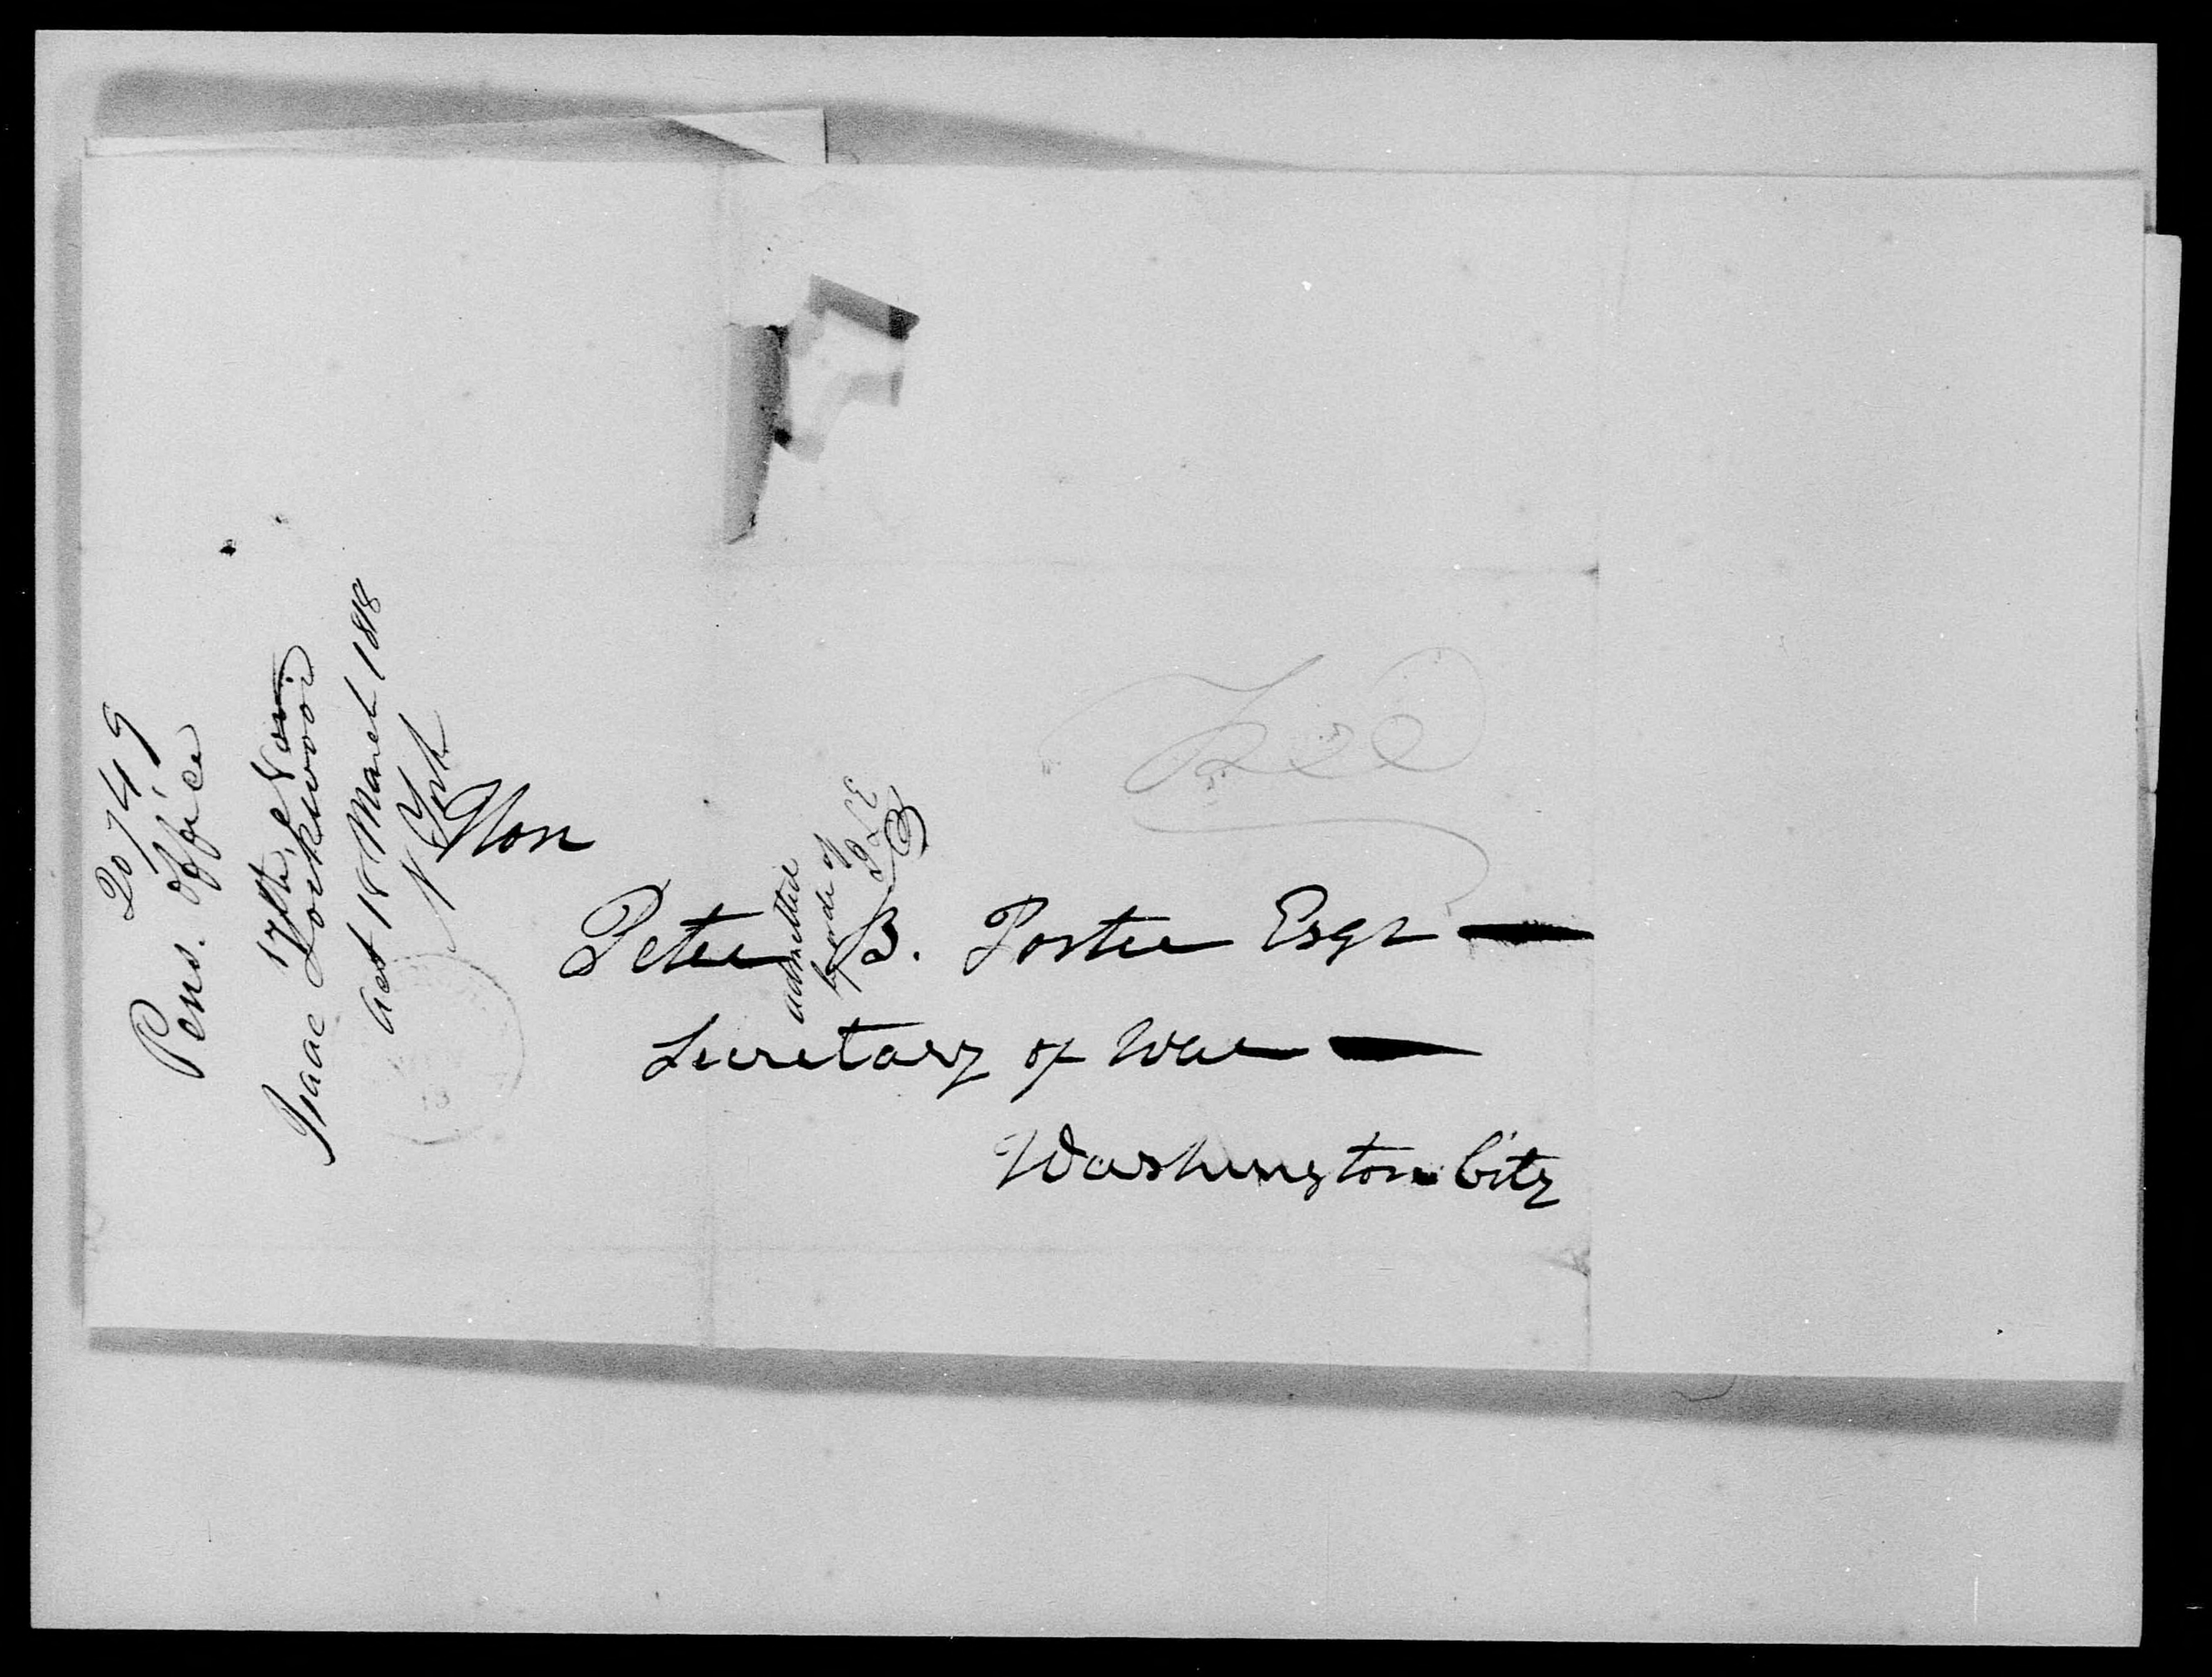Hon
Peter B. Porter Esqr
Secretary of War
Washington City

20749
Pens. offices

17th March?
Isaac Lockwood
Act 18 March 1818
N York

{note} admitted by order of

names: Peter B Porter; Isaac Lockwood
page: 16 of 23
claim: survivor's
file: S 42891, for Isaac Lockwood, New York